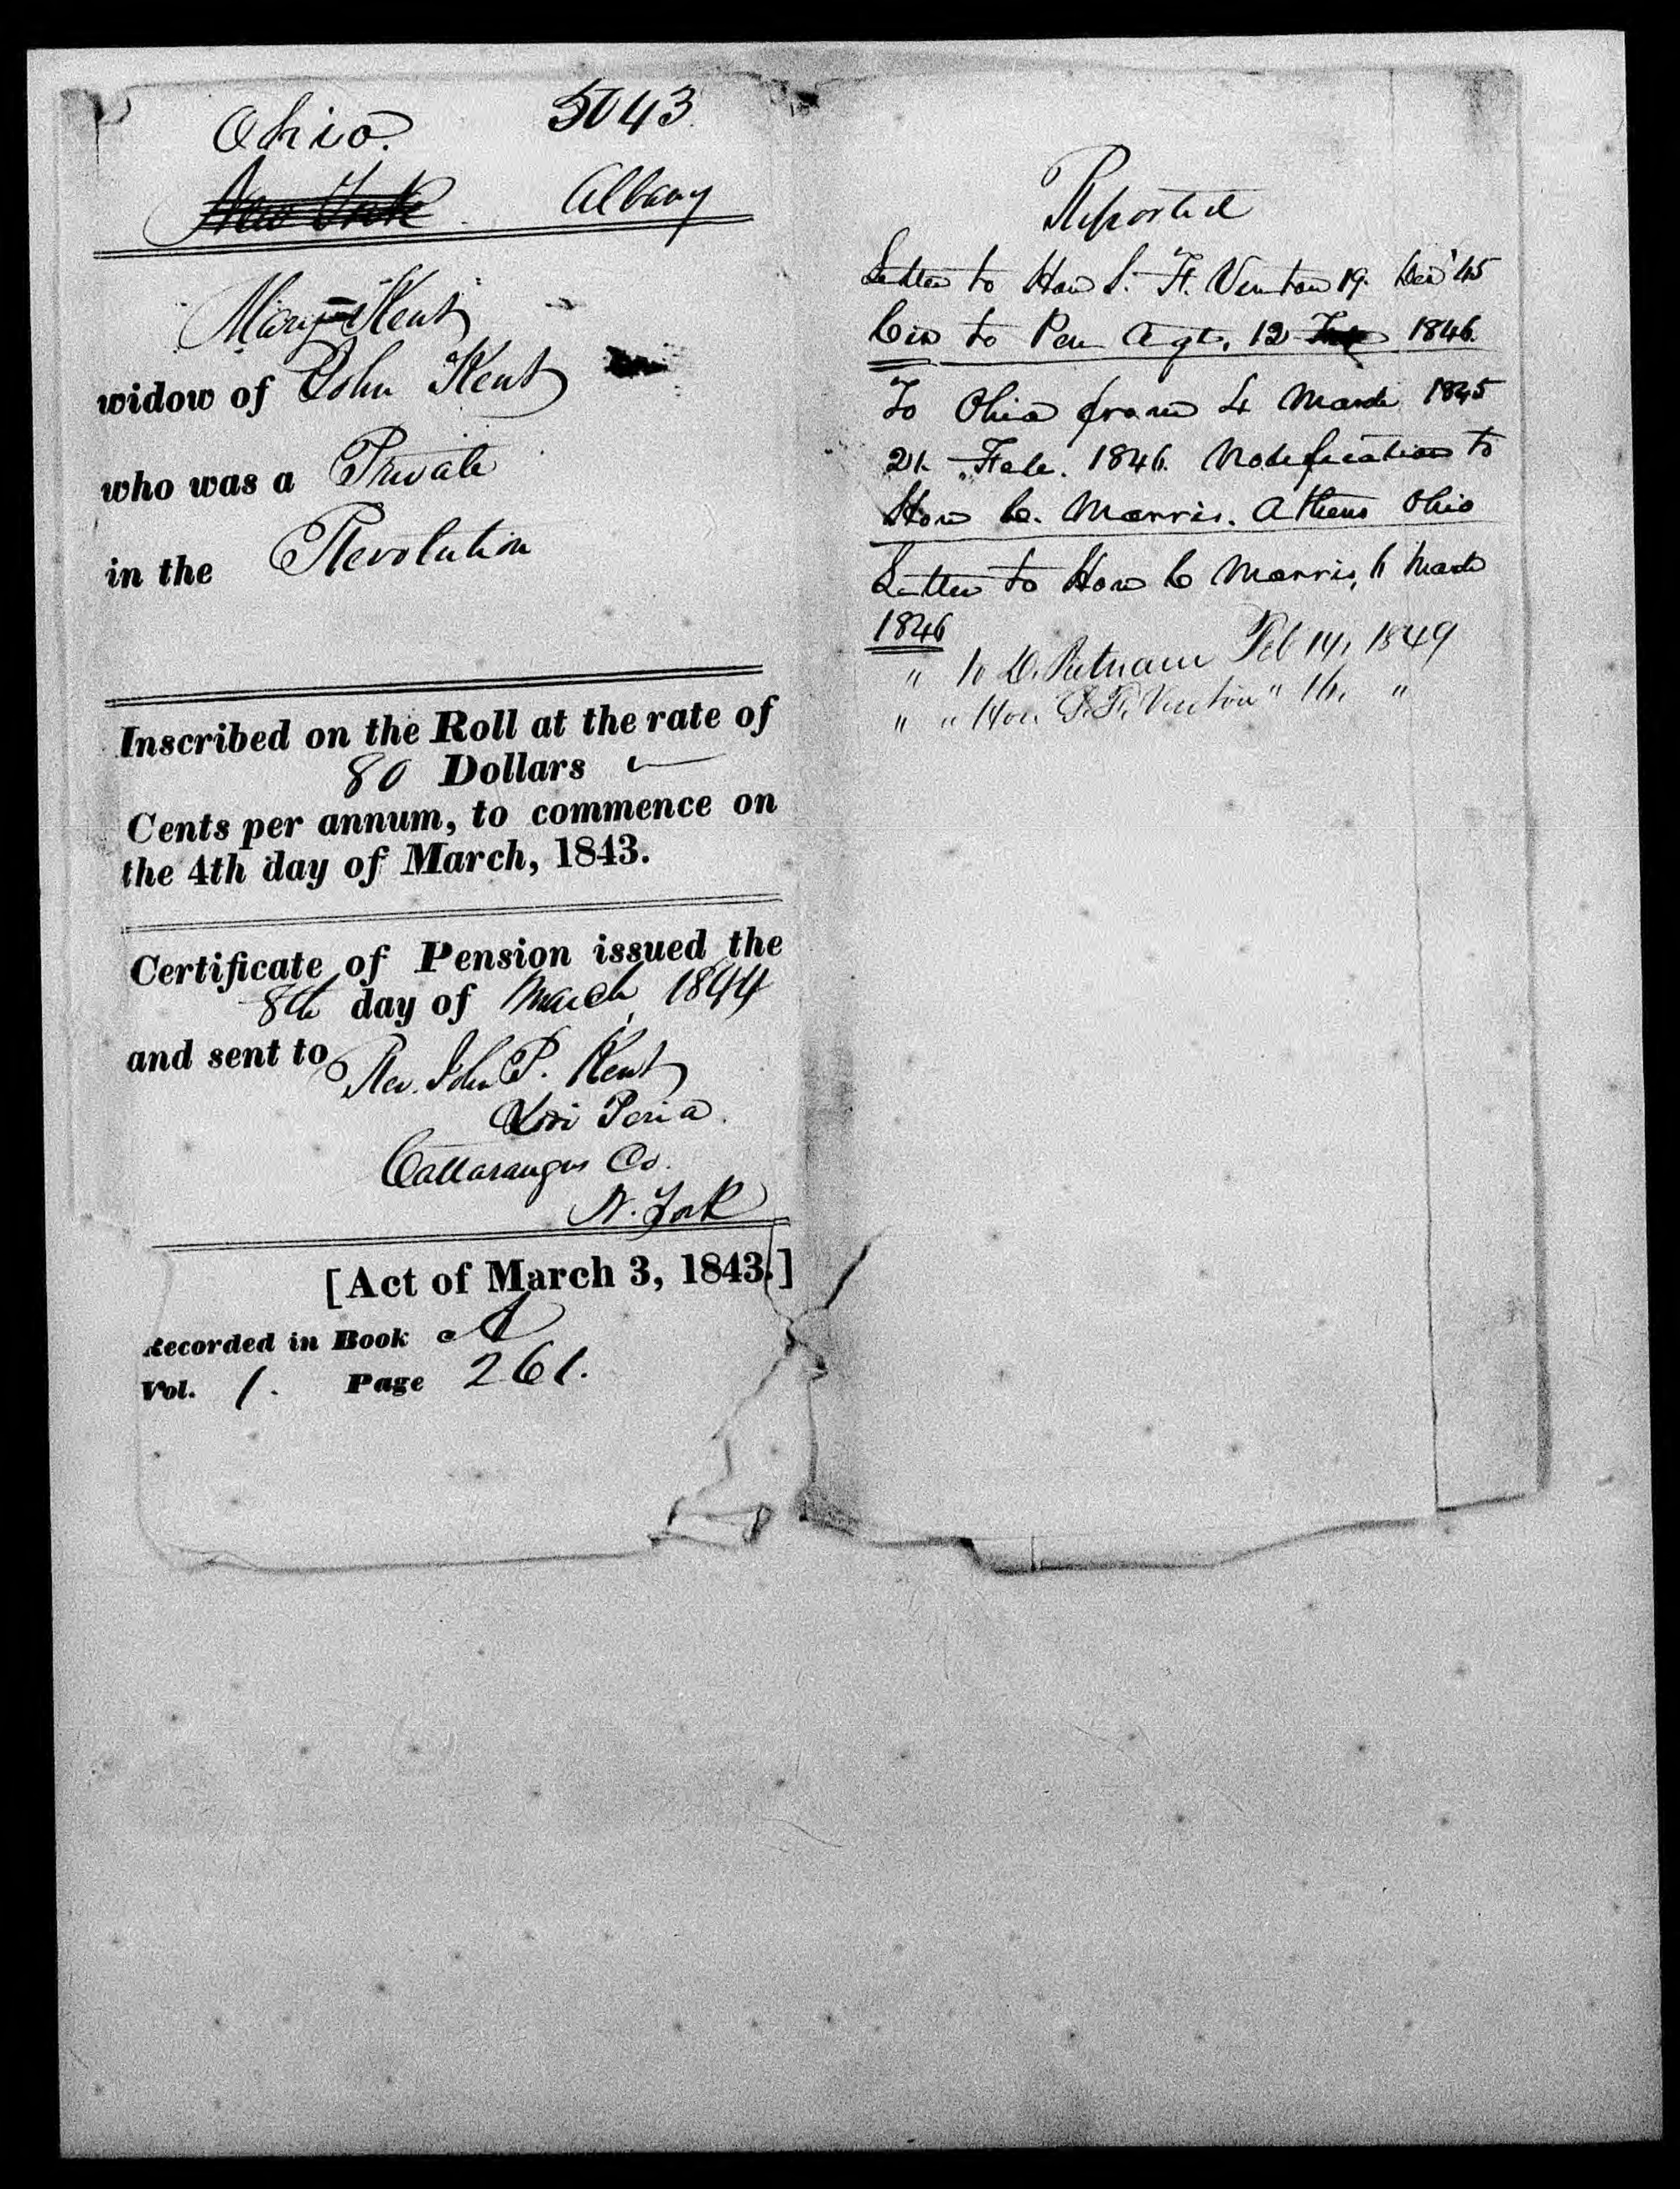Ohio 5043
Albany
===
Mary Kent
widow of John Kent
who was a Private
in the Revolution
===
Inscribed on the Roll at the rate of 80 Dollars -
Cents per annum, to commence on
the 4th day of March, 1843.
===
Certificate of Pension issued the
8th day of March 1844
and sent to Rev. John P. Kent
Lodi Peria
Cattaraugus Co.
N. York
===
[Act of March 3, 1843.]
Recorded in Book A
Vol. 1. Page 261

Reported
Letter to Hon S. F. Newhan 19 Dec '45
Cin to Pen Agt. 12 [illegible] 1846
----
To Ohia [illegible] 4 March 1845
21  - Feb. 1846 Modification to Hon C. Morris. Athens Ohio
----
Letter to Hon C Morris, 1 March 1846
Letter to D. Putnam Feb 14, 1849
Letter Hon. P. F. [illegible] Feb 16, 1840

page: 38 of 50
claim: widow's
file: W. 4253, for John Kent, Vermont